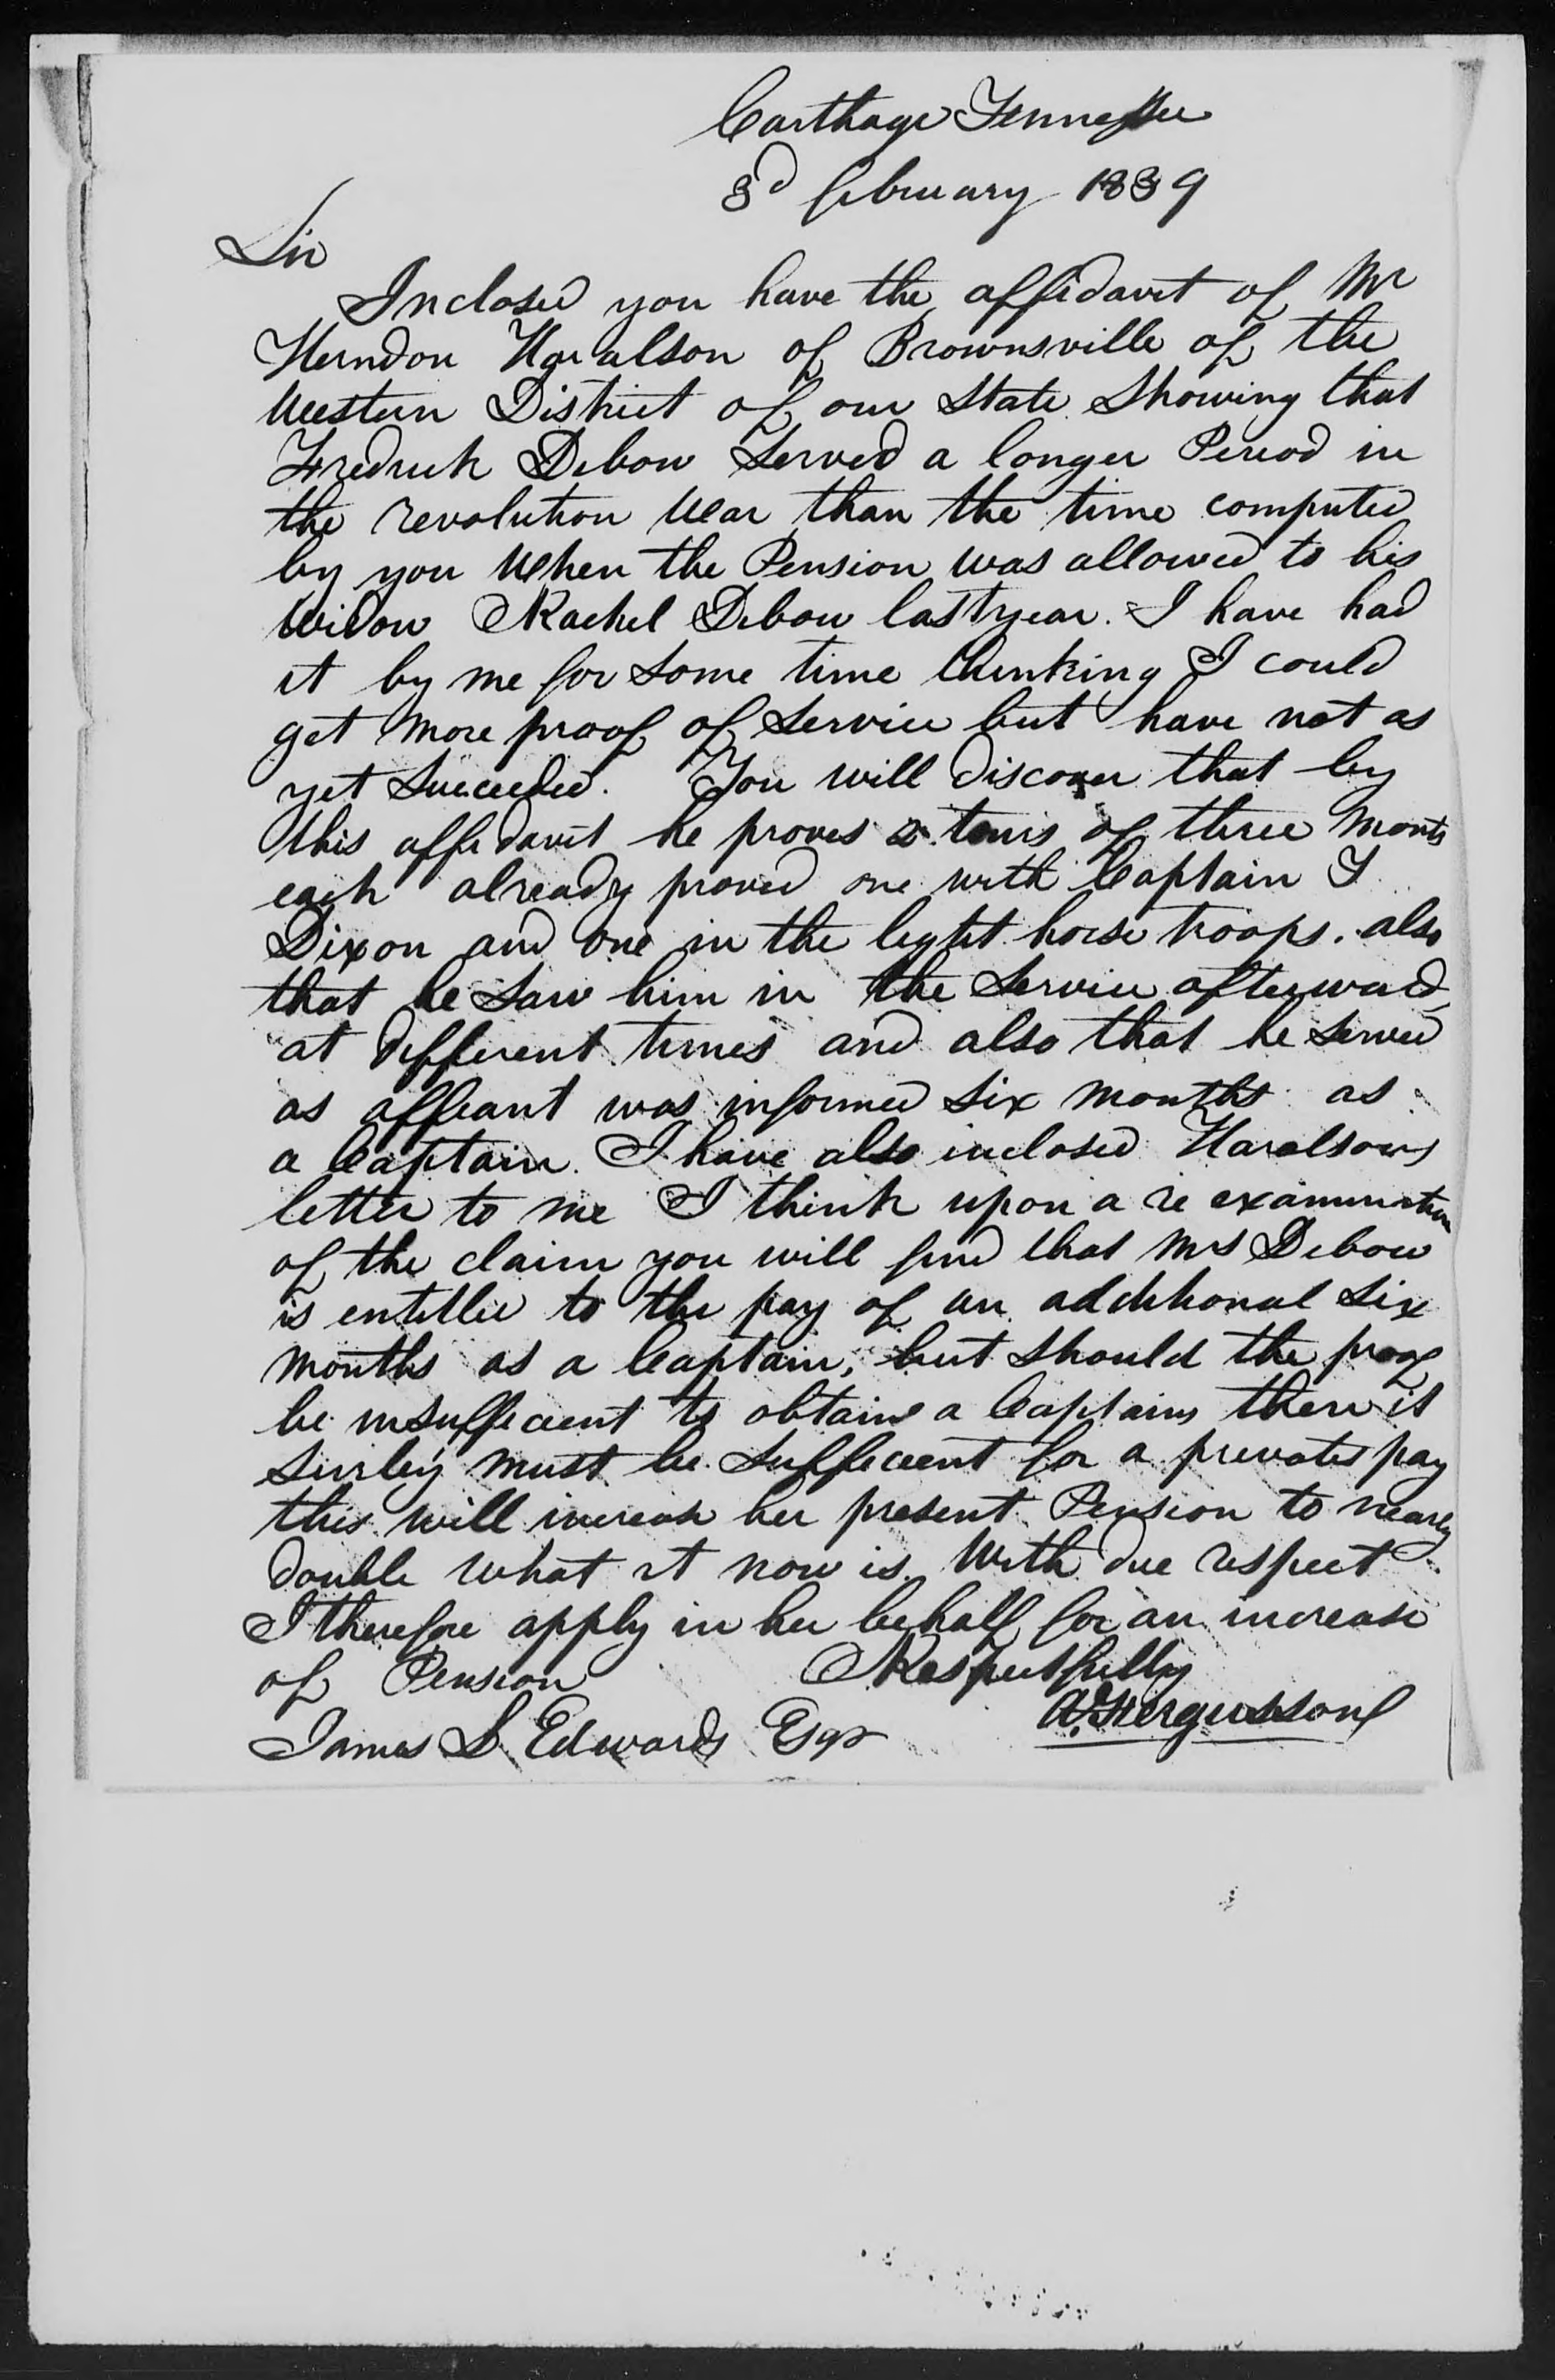Carthage, Tennessee
3rd February 1839
Sir
Inclosed you have the affidavit of Mr Herndon Haralson of Brownsville of the Western district of our State showing that Frederick Debow served a longer period in the revolution war than the time computed by you when the Pension was allowed to his widow Rachel Debow last year. I have had it by me for some time thinking I could get more proof of services but have not as yet succeeded. You will discover that by this affidavit he proves 2 tours of three months each already proved one with Captain T Dixon and one in the light horse troops. Also that he saw him in the service afterward at different times and also that he serves as affiant was informed six months as a Captain. I have also included Haralsons letter tto me I think upon reexamination of the claim you will find that Mrs Debow is entitles to the pay of an additional six months as a Captain, but should the proof be insufficient to obtain a Captains there is surely must be sufficient for a privates pay this will increase her present pension to nearly double what it now is. With due respect I therefore apply in her behalf for an increase of pension.   
Respectfully A Fergusson
James L Edwards Esq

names: T Dixon, Debow, Rachel Debow, Fredrick Debow, A Fergusson, Herndon Haralson, James L Edwards, Haralson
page: 32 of 62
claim: widow's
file: W 7005, Frederick Debow, N.C.